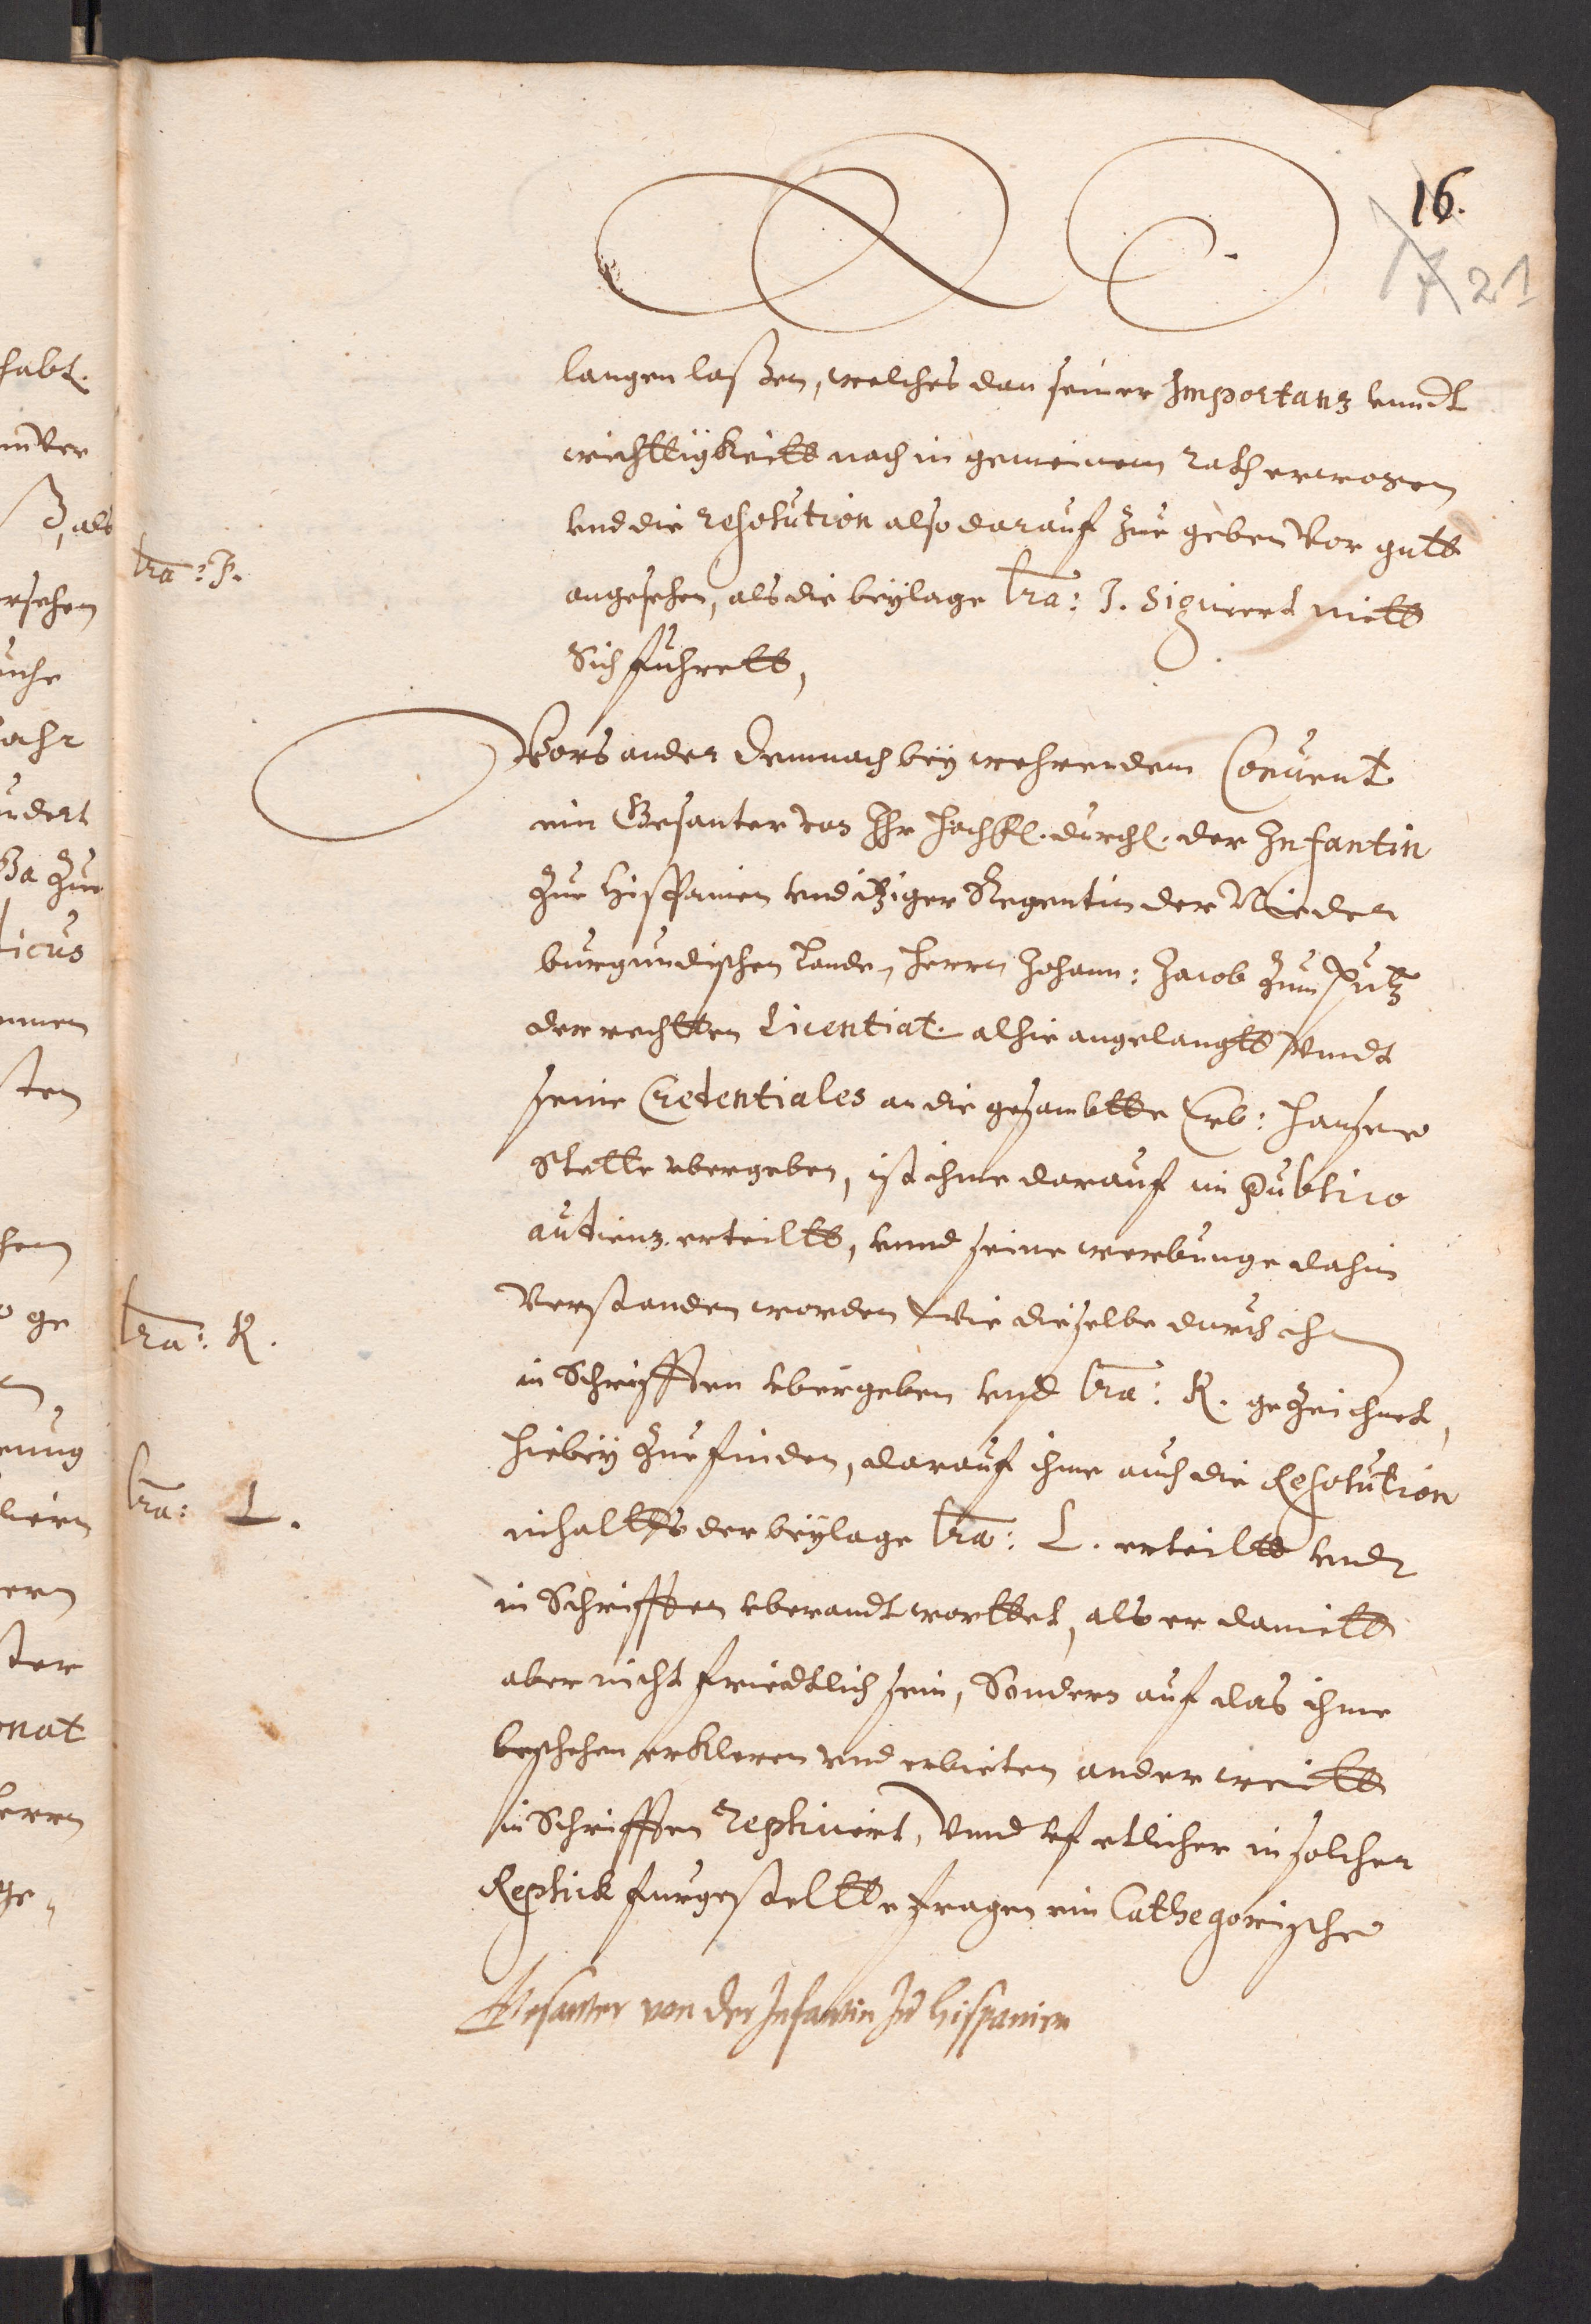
16.
langen laßen, welches dan seiner Importanz vnndt
wichttigkeitt nach in gemeinem rath erwogen
vnd die resolution also darauf zue geben vor gutt
angesehen, als die beijlage littera: I. signiert mitt
Sich fuhrett,
littera: I.
Vors ander demnach beij wehrendem Conuent
ein Gesanter von Jhr höchfl. durchl. der Jnfantin
zue Hispanien vnd itziger Regentin der Nieder
burgundischen Lande, herrn Johann: Jacob zum Putz
der rechtten Licentiat alhie angelangtt vndt
seine Credentiales an die gesambtte Erb: hansee
Stette vbergeben, ist ihme darauf im Publico
audienz erteiltt, vnnd seine werbunge dahin
verstanden worden Wie dieselbe durch ihn
in Schrifften vbergeben vnd littera: K. gezeichnet,
hiebeij zue finden, darauf ihme auch die Resolution
inhaltts der beijlage littera: L. erteiltt vnd
in Schrifften vberandtworttet, als er damitt
aber nicht friedtlich sein, Sondern auf das ihme
beschehen erkleren vnd erbieten anderweitt
in Schrifften repliciert, Vnnd vf etlicher in solcher
Replick furgesteltte fragen ein Cathegorische
littera: K.
littera: L.
Gesanter von der Jnfantin zu Hispanien
